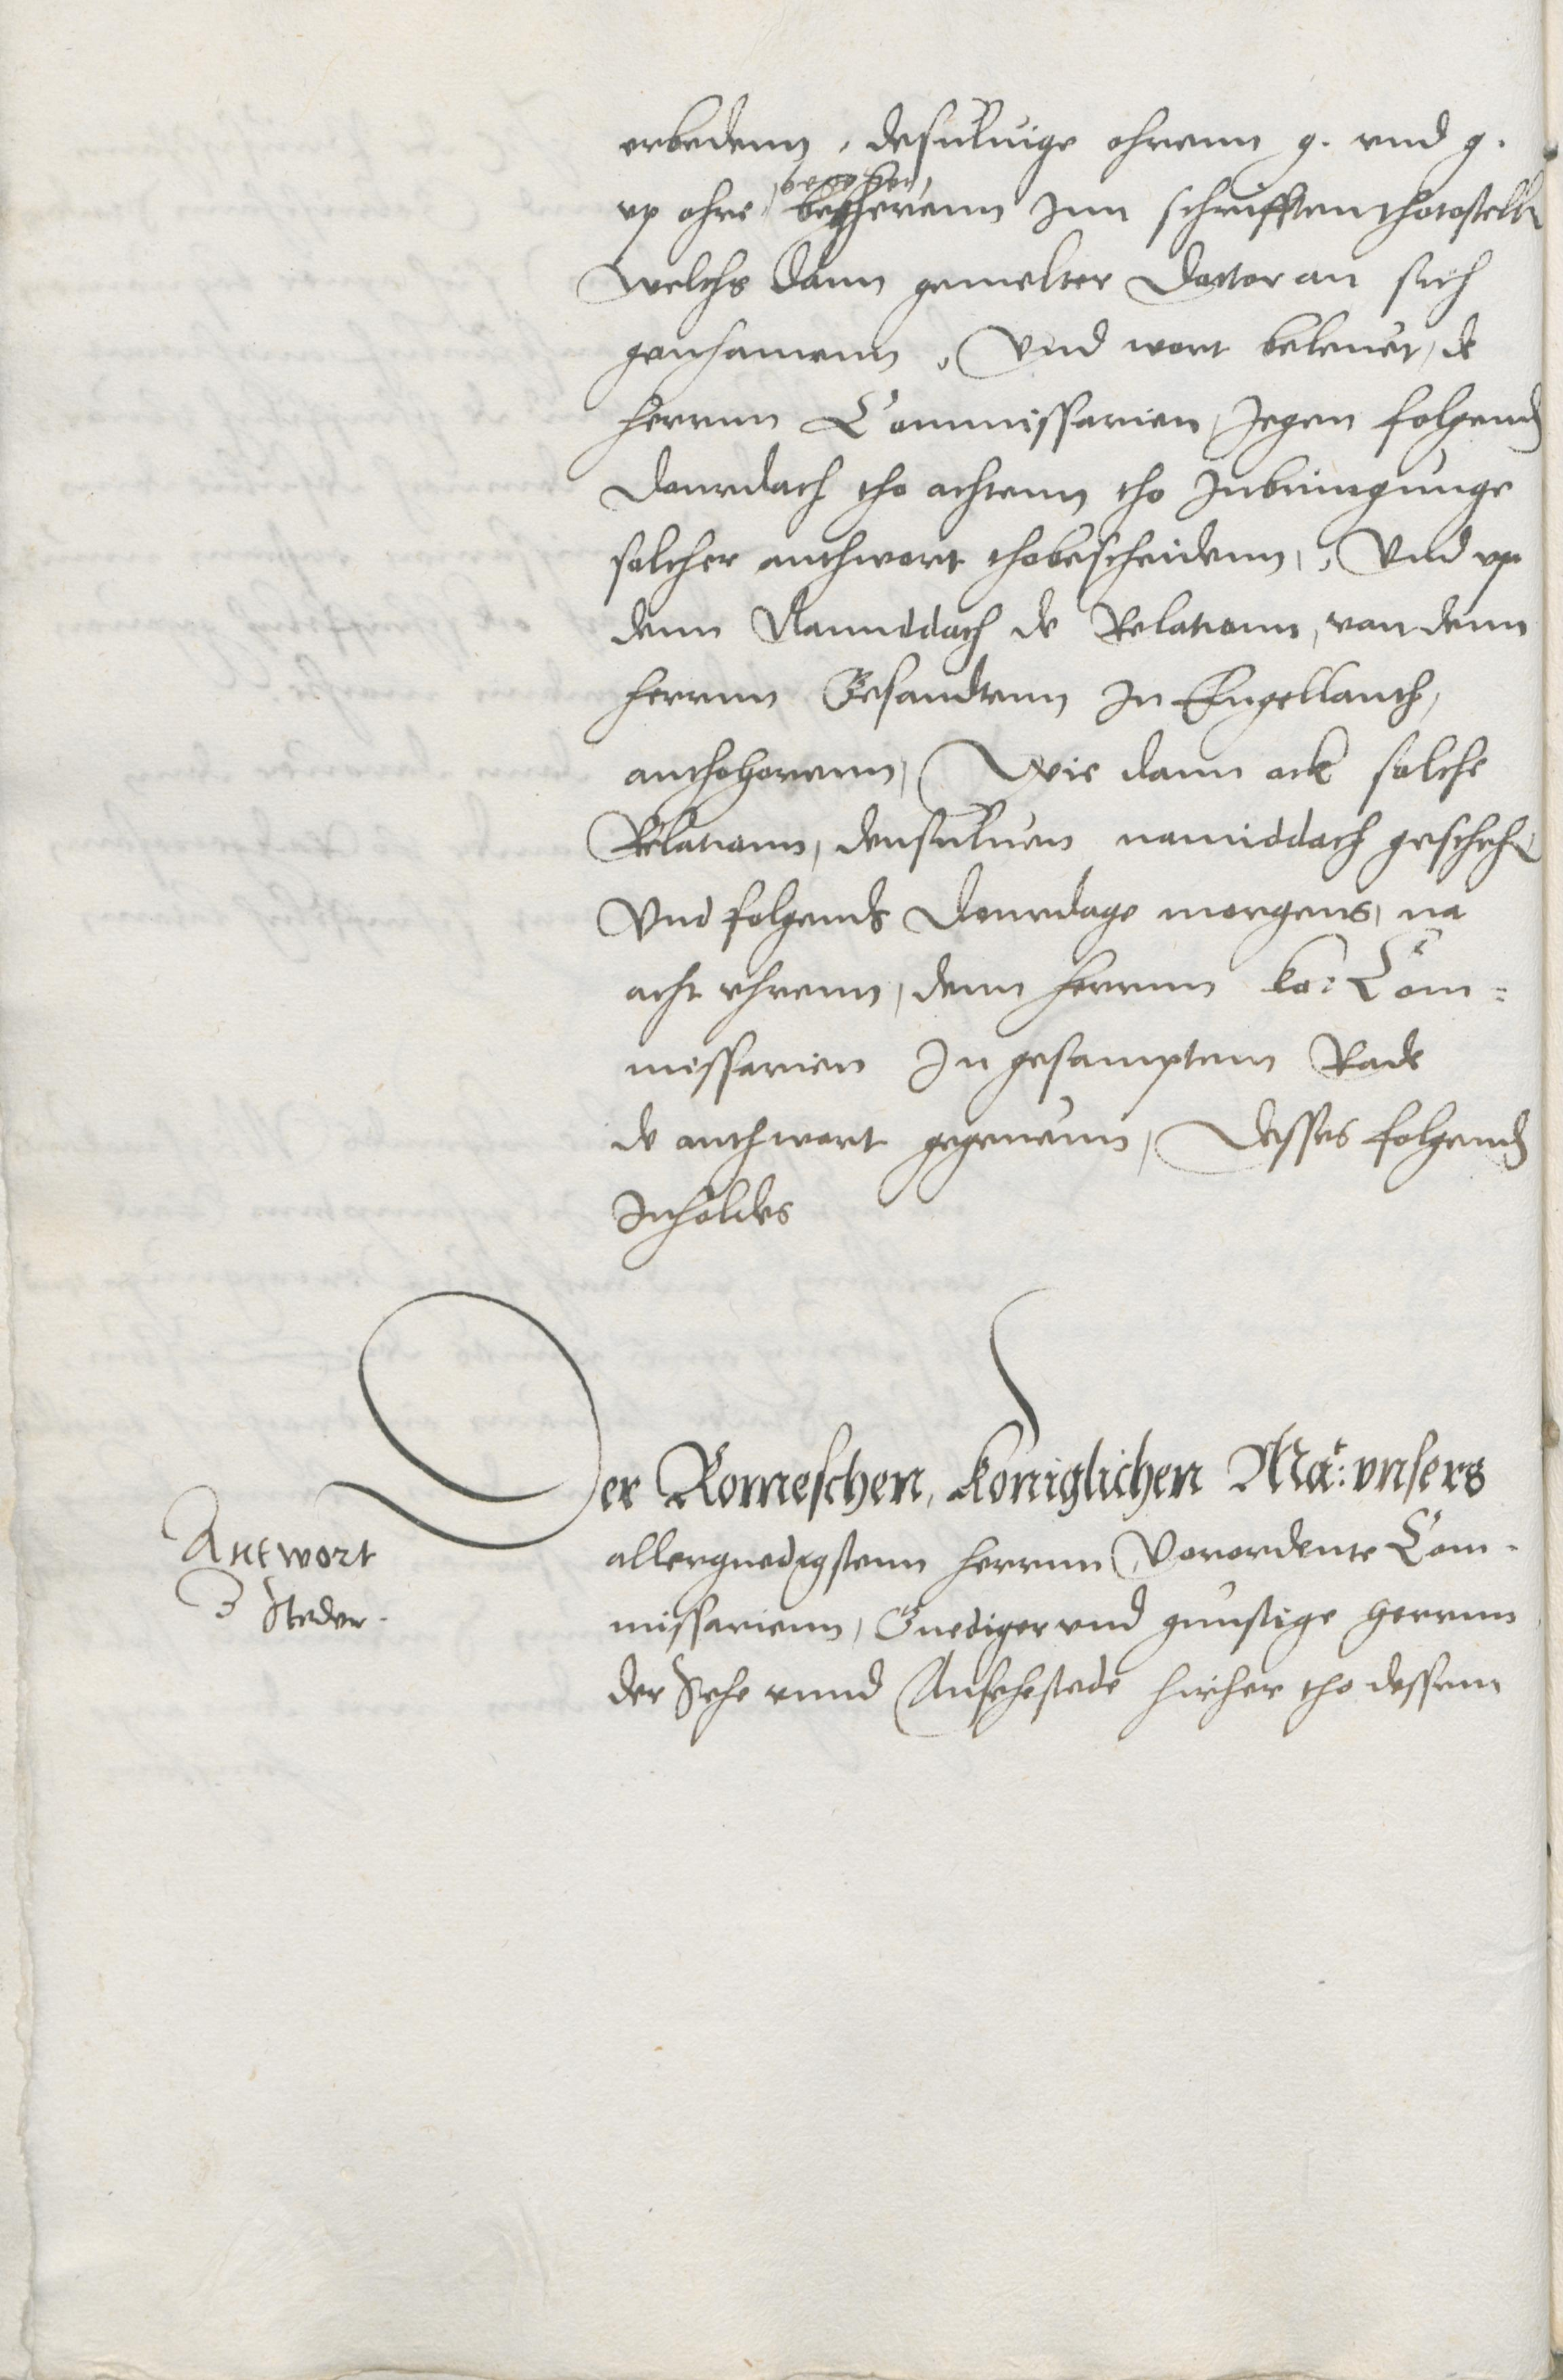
erbedenn, desuluige ohrenn g. vnd g.
begeren
vp ohre begherenn Jnn schrifften thotostellen
Welchs dann gemelter Doctor an sich
genhamenn, Vnd wort beleuet, de
herrnn Commissarien, jegen folgenden
Donrdach tho achtenn tho Jnbringunge
solcher anthwort thobescheidenn, Vnd vp
denn Namiddach de Relationn, van denn
herrnn Gesantenn jn Engellanth,
anthohorenn, Wie dann ock solche
Relationn, densuluen namiddach geschehen
Vnd folgends Donrdage morgens, na
acht vhrenn, denn herrnn Ko: Com¬
missarien Jn gesamptem Rade
de anthwort gegeuenn, Desses folgenden
Jnholdes
Der Romeschen Koniglichen Mat: vnsers
allergnedigstenn herrnn Vorordente Com¬
missarienn, Gnediger vnd gunstige Herrnn
der Sehe vnnd Ansehestede hirher tho dessem
Antwort
der Steder
